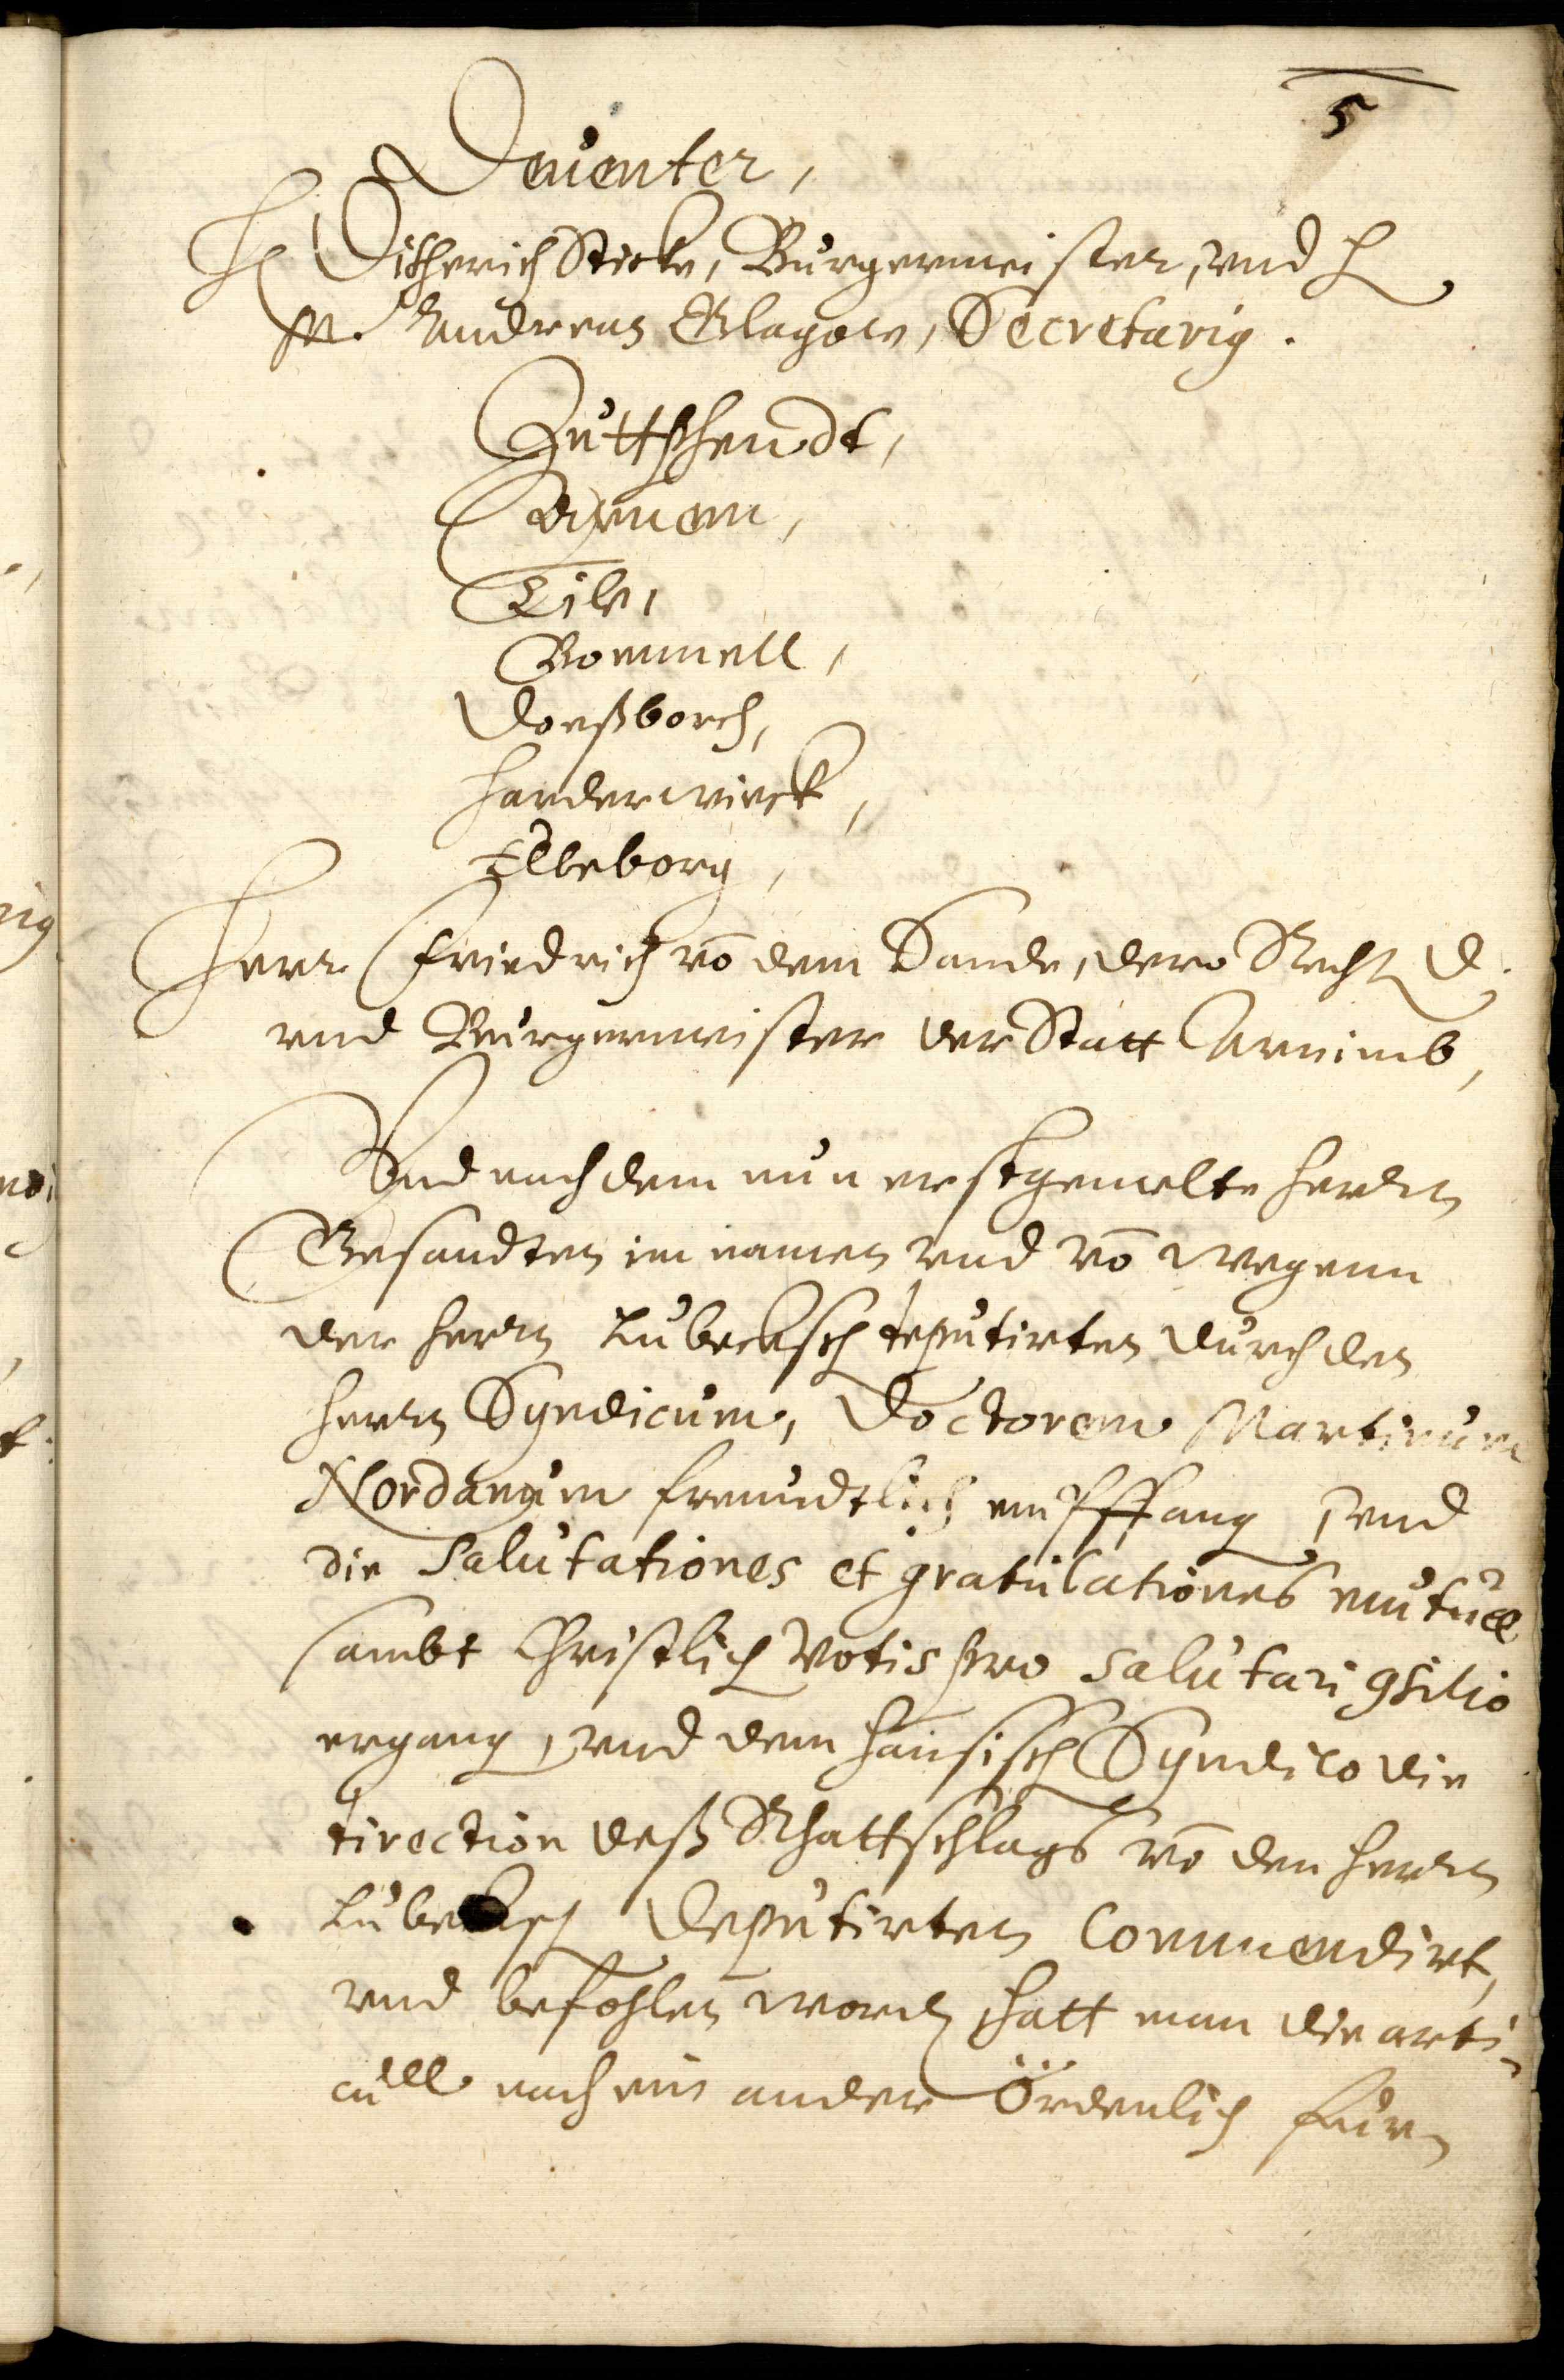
5
Deuenter,
Ditherich Sticke, Burgermeister, vnd h
M. Andreas Glagote, Secretarius.
Zuttphendt,
Arnem,
Tile,
Bommell,
Doeßborch,
Harderwieck,
Elleborg,
Herr Friedrich von dem Sande, dero Rechten D.
vnd Burgermeister der Statt Arnimb,
Vnd nach dem nun erstgemelte herrn
Gesandten im namen vnd von wegenn
der herrn Lubeckschen deputirten durch den
herrn Syndicum, Doctorem Martinum
Nordanum freundtlich empffangen, vnd
die salutationes et gratulationes mutuae
sambt Christlichen votis pro salutari consilio
ergangen, vnd dem hansischen Syndico die
direction deß Rhattschlags von den herrn
Lubeckschen Deputirten commendirt,
vnd befohlen worden, hatt man die arti¬
cull nach ein ander Ördenlich fur¬
